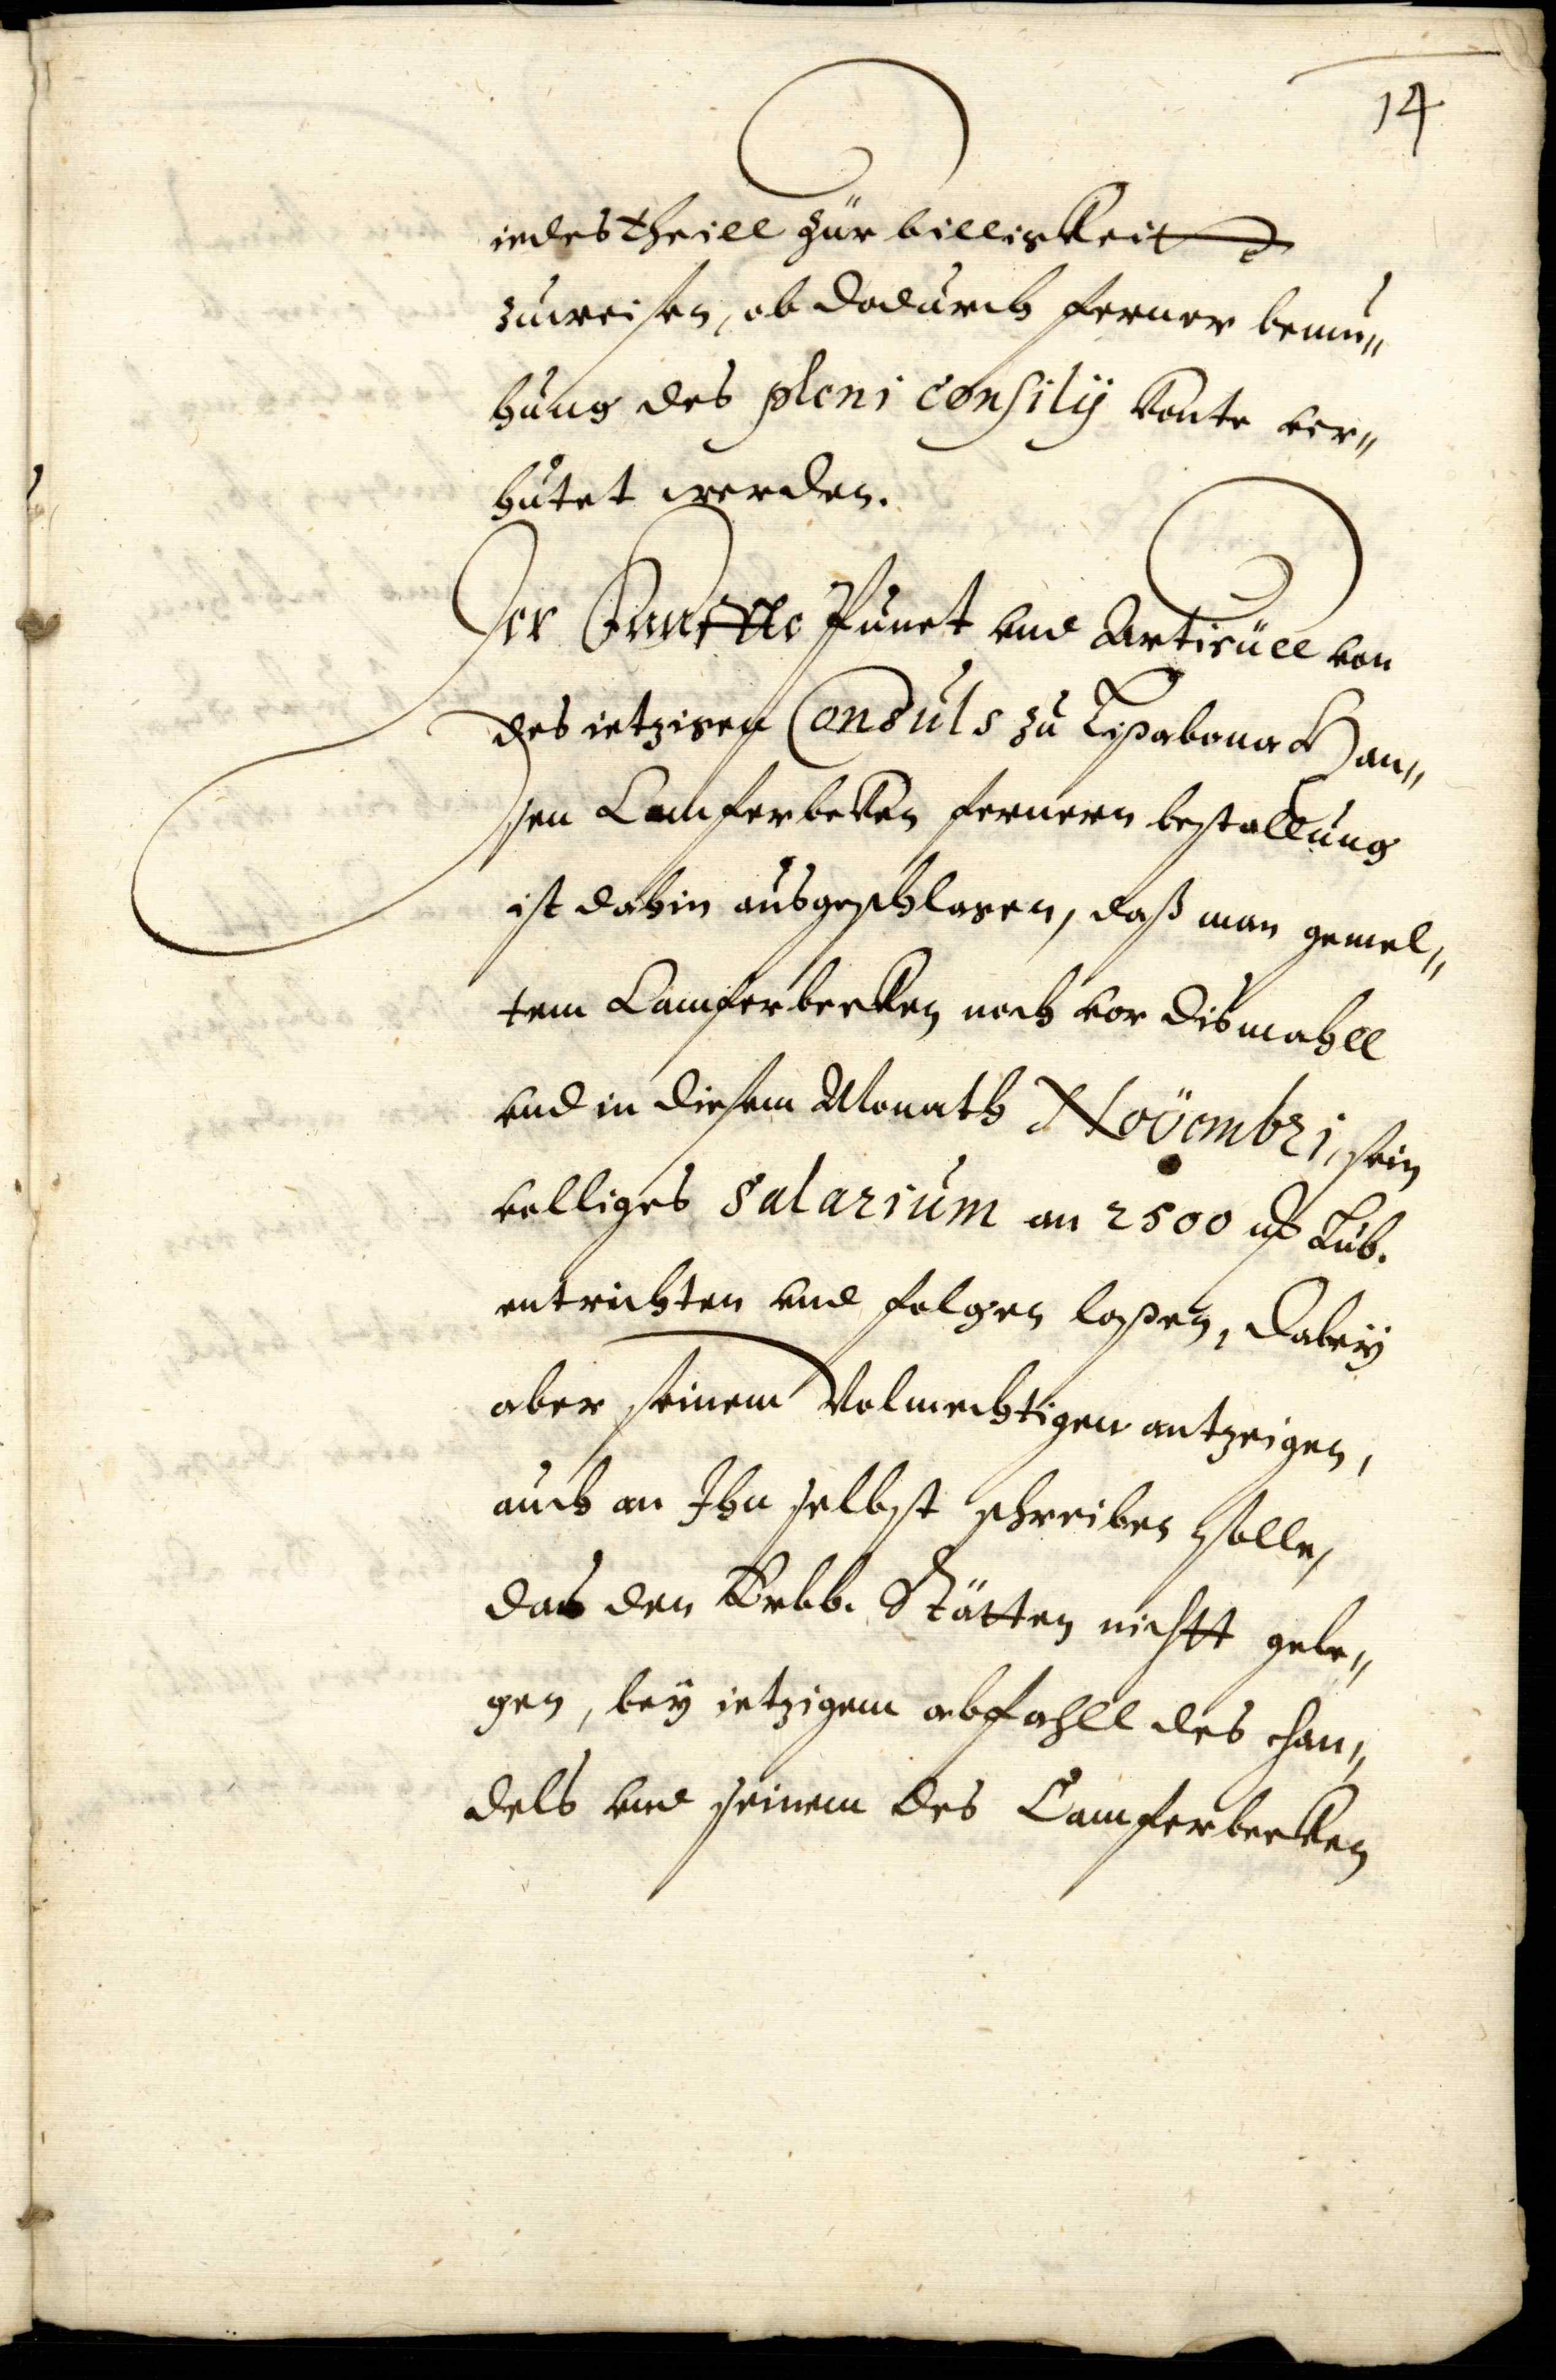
14
iedes theill zür billigkeitt
zuweisen, ob dadurch ferner bemu¬
hung des pleni consilij konte ver¬
hutet werden.
Der Funffte Punct vnd Articüll von
des ietzigen Consuls zu Lißabona Han¬
sen Camferbeken fernern bestallung
ist dahin ausgeschlagen, daß man gemel¬
tem Camferbecken noch vor dismahll
vnd in diesem Monath Nouembri, sein
volliges salarium an 2500 ₻ Lub.
entrichten vnd folgen laßen, dabeij
aber seinem Volmechtigen antzeigen,
auch an Ihn selbst schreiben solle,
das den Erbb. Stätten nichtt gele¬
gen, beij ietzigem abfahll des han¬
dels vnd seinem des Camferbecken
